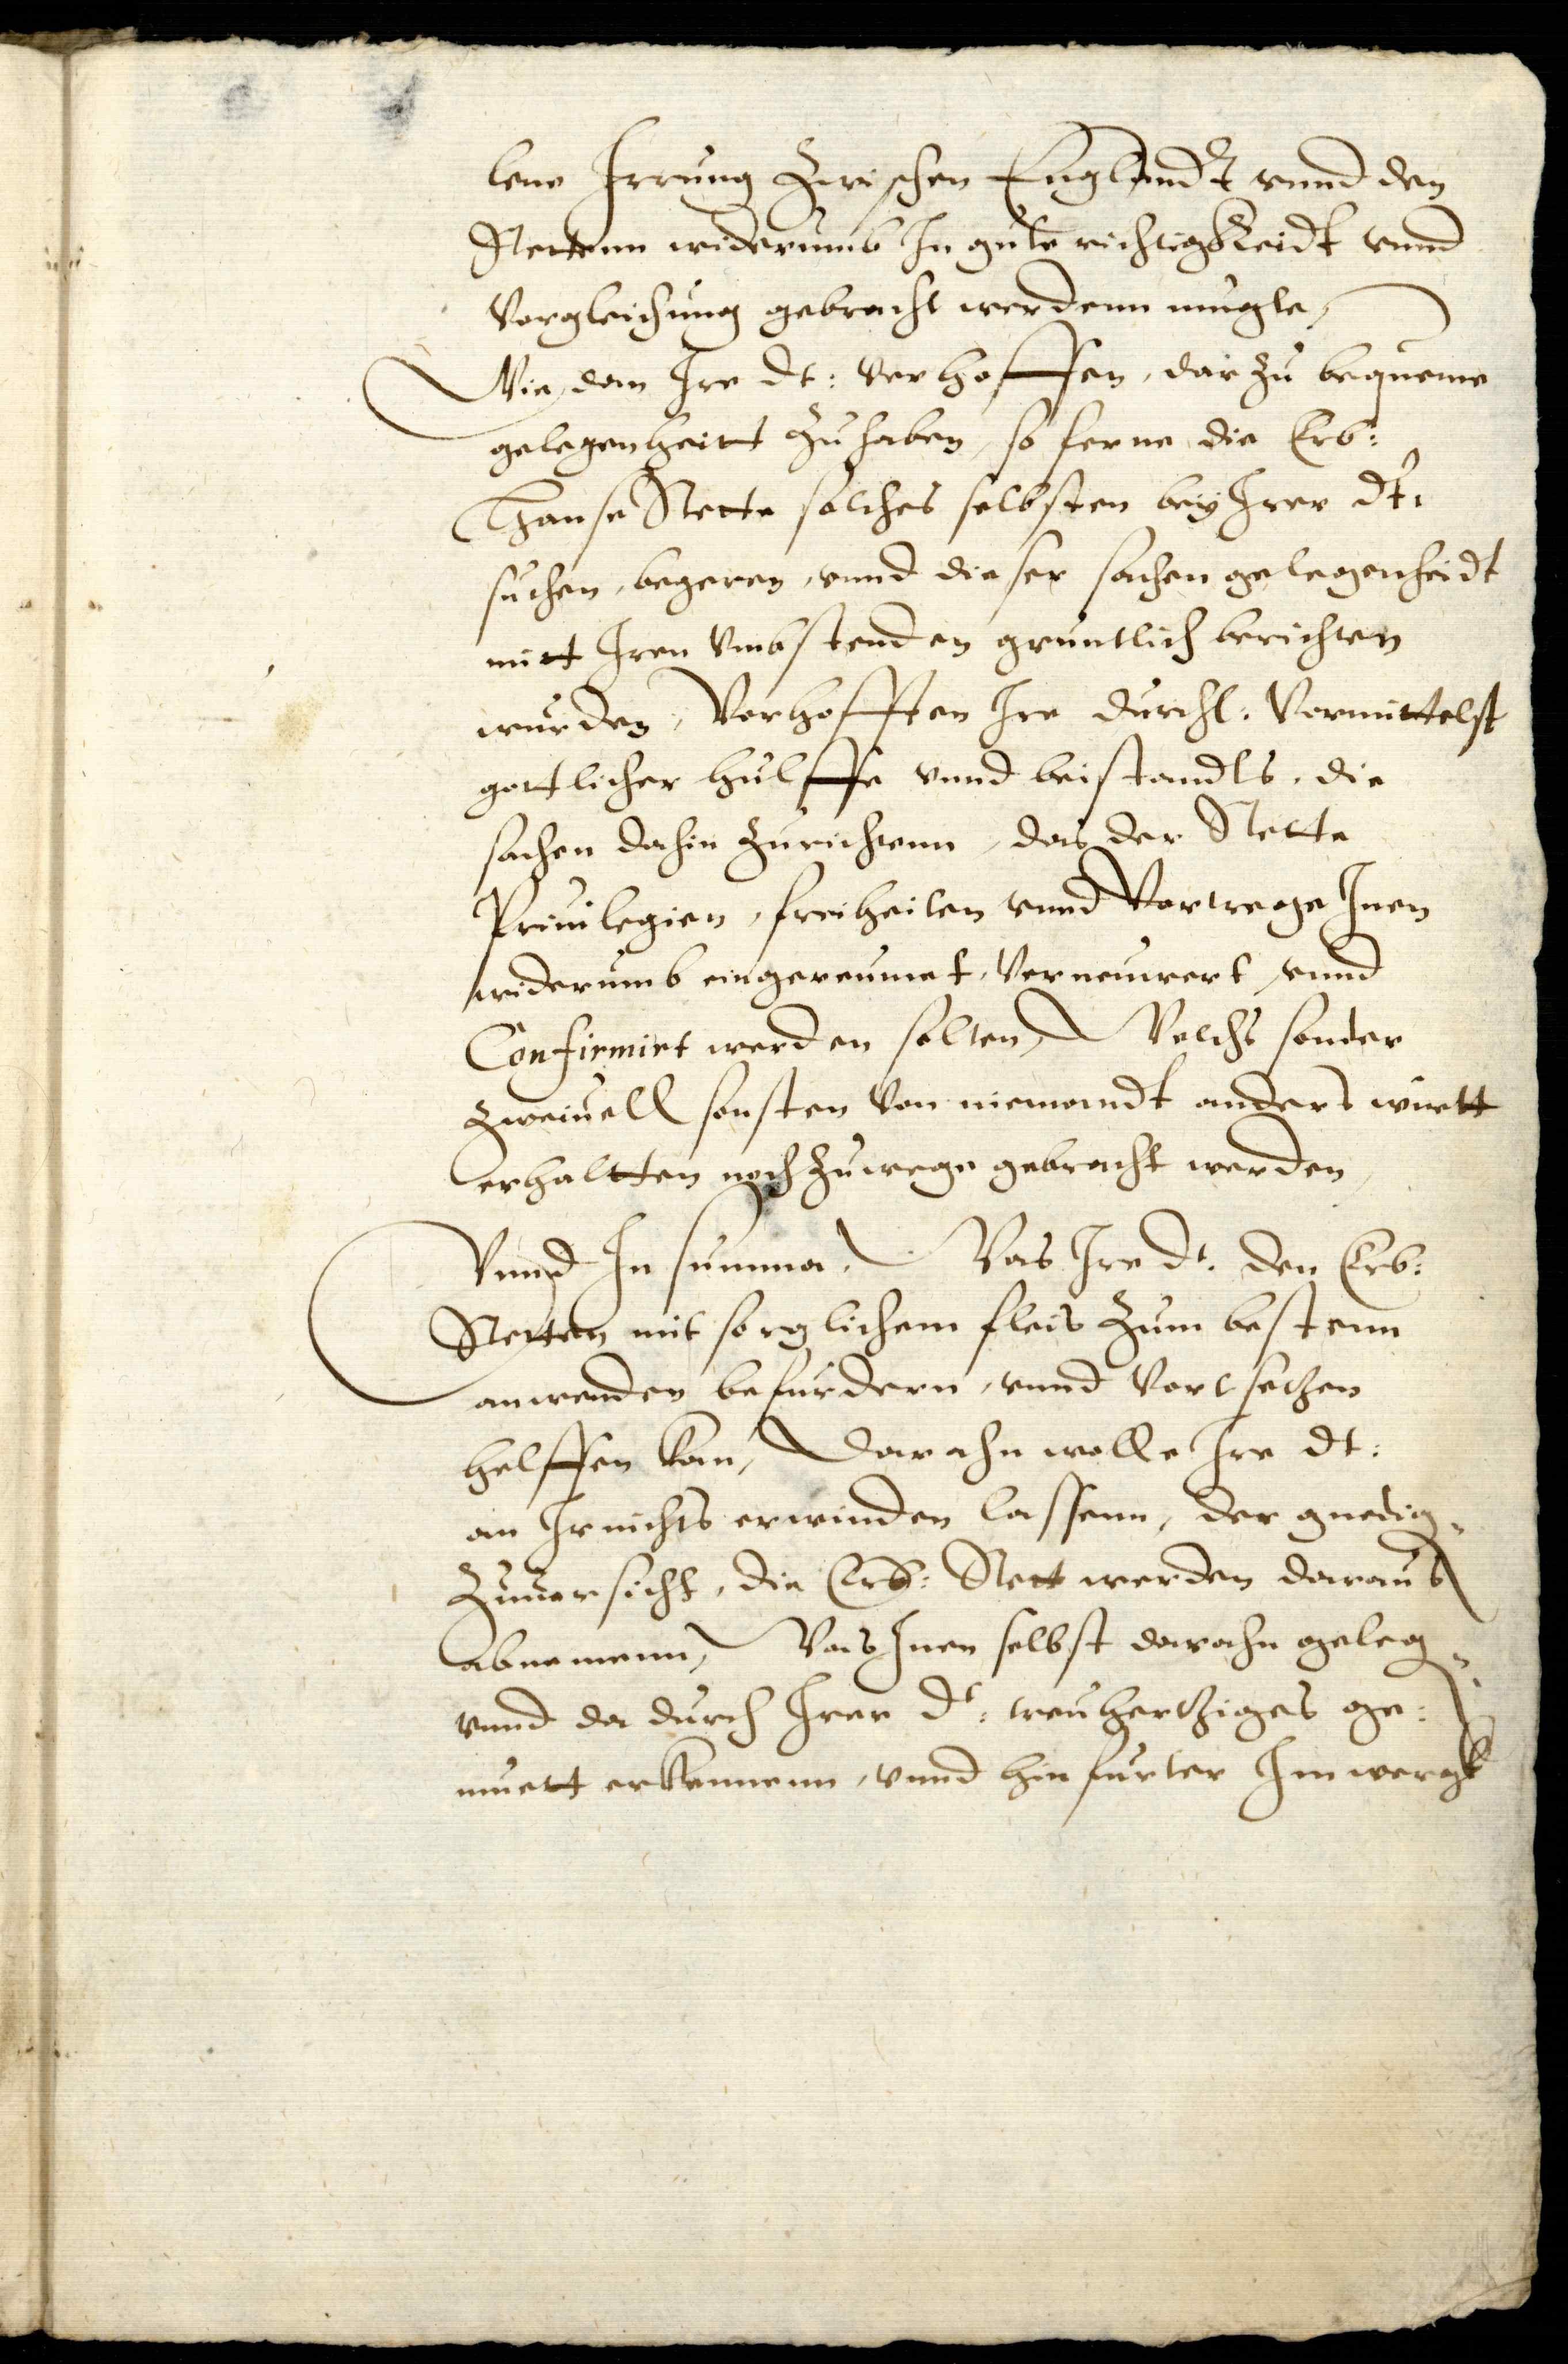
lene Jrrung zwischen Englandt vnnd den
Stettenn widerumb Jn gute richtigkeidt vnnd
vorgleichung gebracht werdenn mugte,
Wie dan Jre Dt: verhoffen, darzu bequeme
gelegenheitt zu haben, so fernn die Erb:
Hanse Stette solches selbsten bey Jrer Dt:
suchen, begeren , vnnd dieser sachen gelegenheidt
mitt Jren vmbstenden gruntlich berichten
wurden, Vorhofften Jre durchl: vormittelst
gottlicher hulffe vnnd beistandts, die
sachen dahin zurichten, das der Stette
Priuilegien, freiheiten vnnd Vortrege Jnen
widerumb eingereumet, verneuwert vnnd
Confirmirt werden solten, Welchs sonder
zweiuell sonsten von niemandt anders wuett
erhaltten noch zuwege gebracht werden,
Vnnd Jn summa, Was Jre Dt. den Erb:
Stetten mit sorglichem fleis zum bestenn
anwenden befurdern, vnnd vortsetzen
helffen kan, Darahn wolle Jre dt:
an Jr nichts erwinden lassenn, der gnedigen
Zuuorsicht, die Erb: Stett werden daraus
abnemenn, was Jnen selbst darahn gelegen
vnnd dadurch Jrer Dt: treuhertziges ge¬
muett erkennenn, vnnd hinfurter Jm wergk
